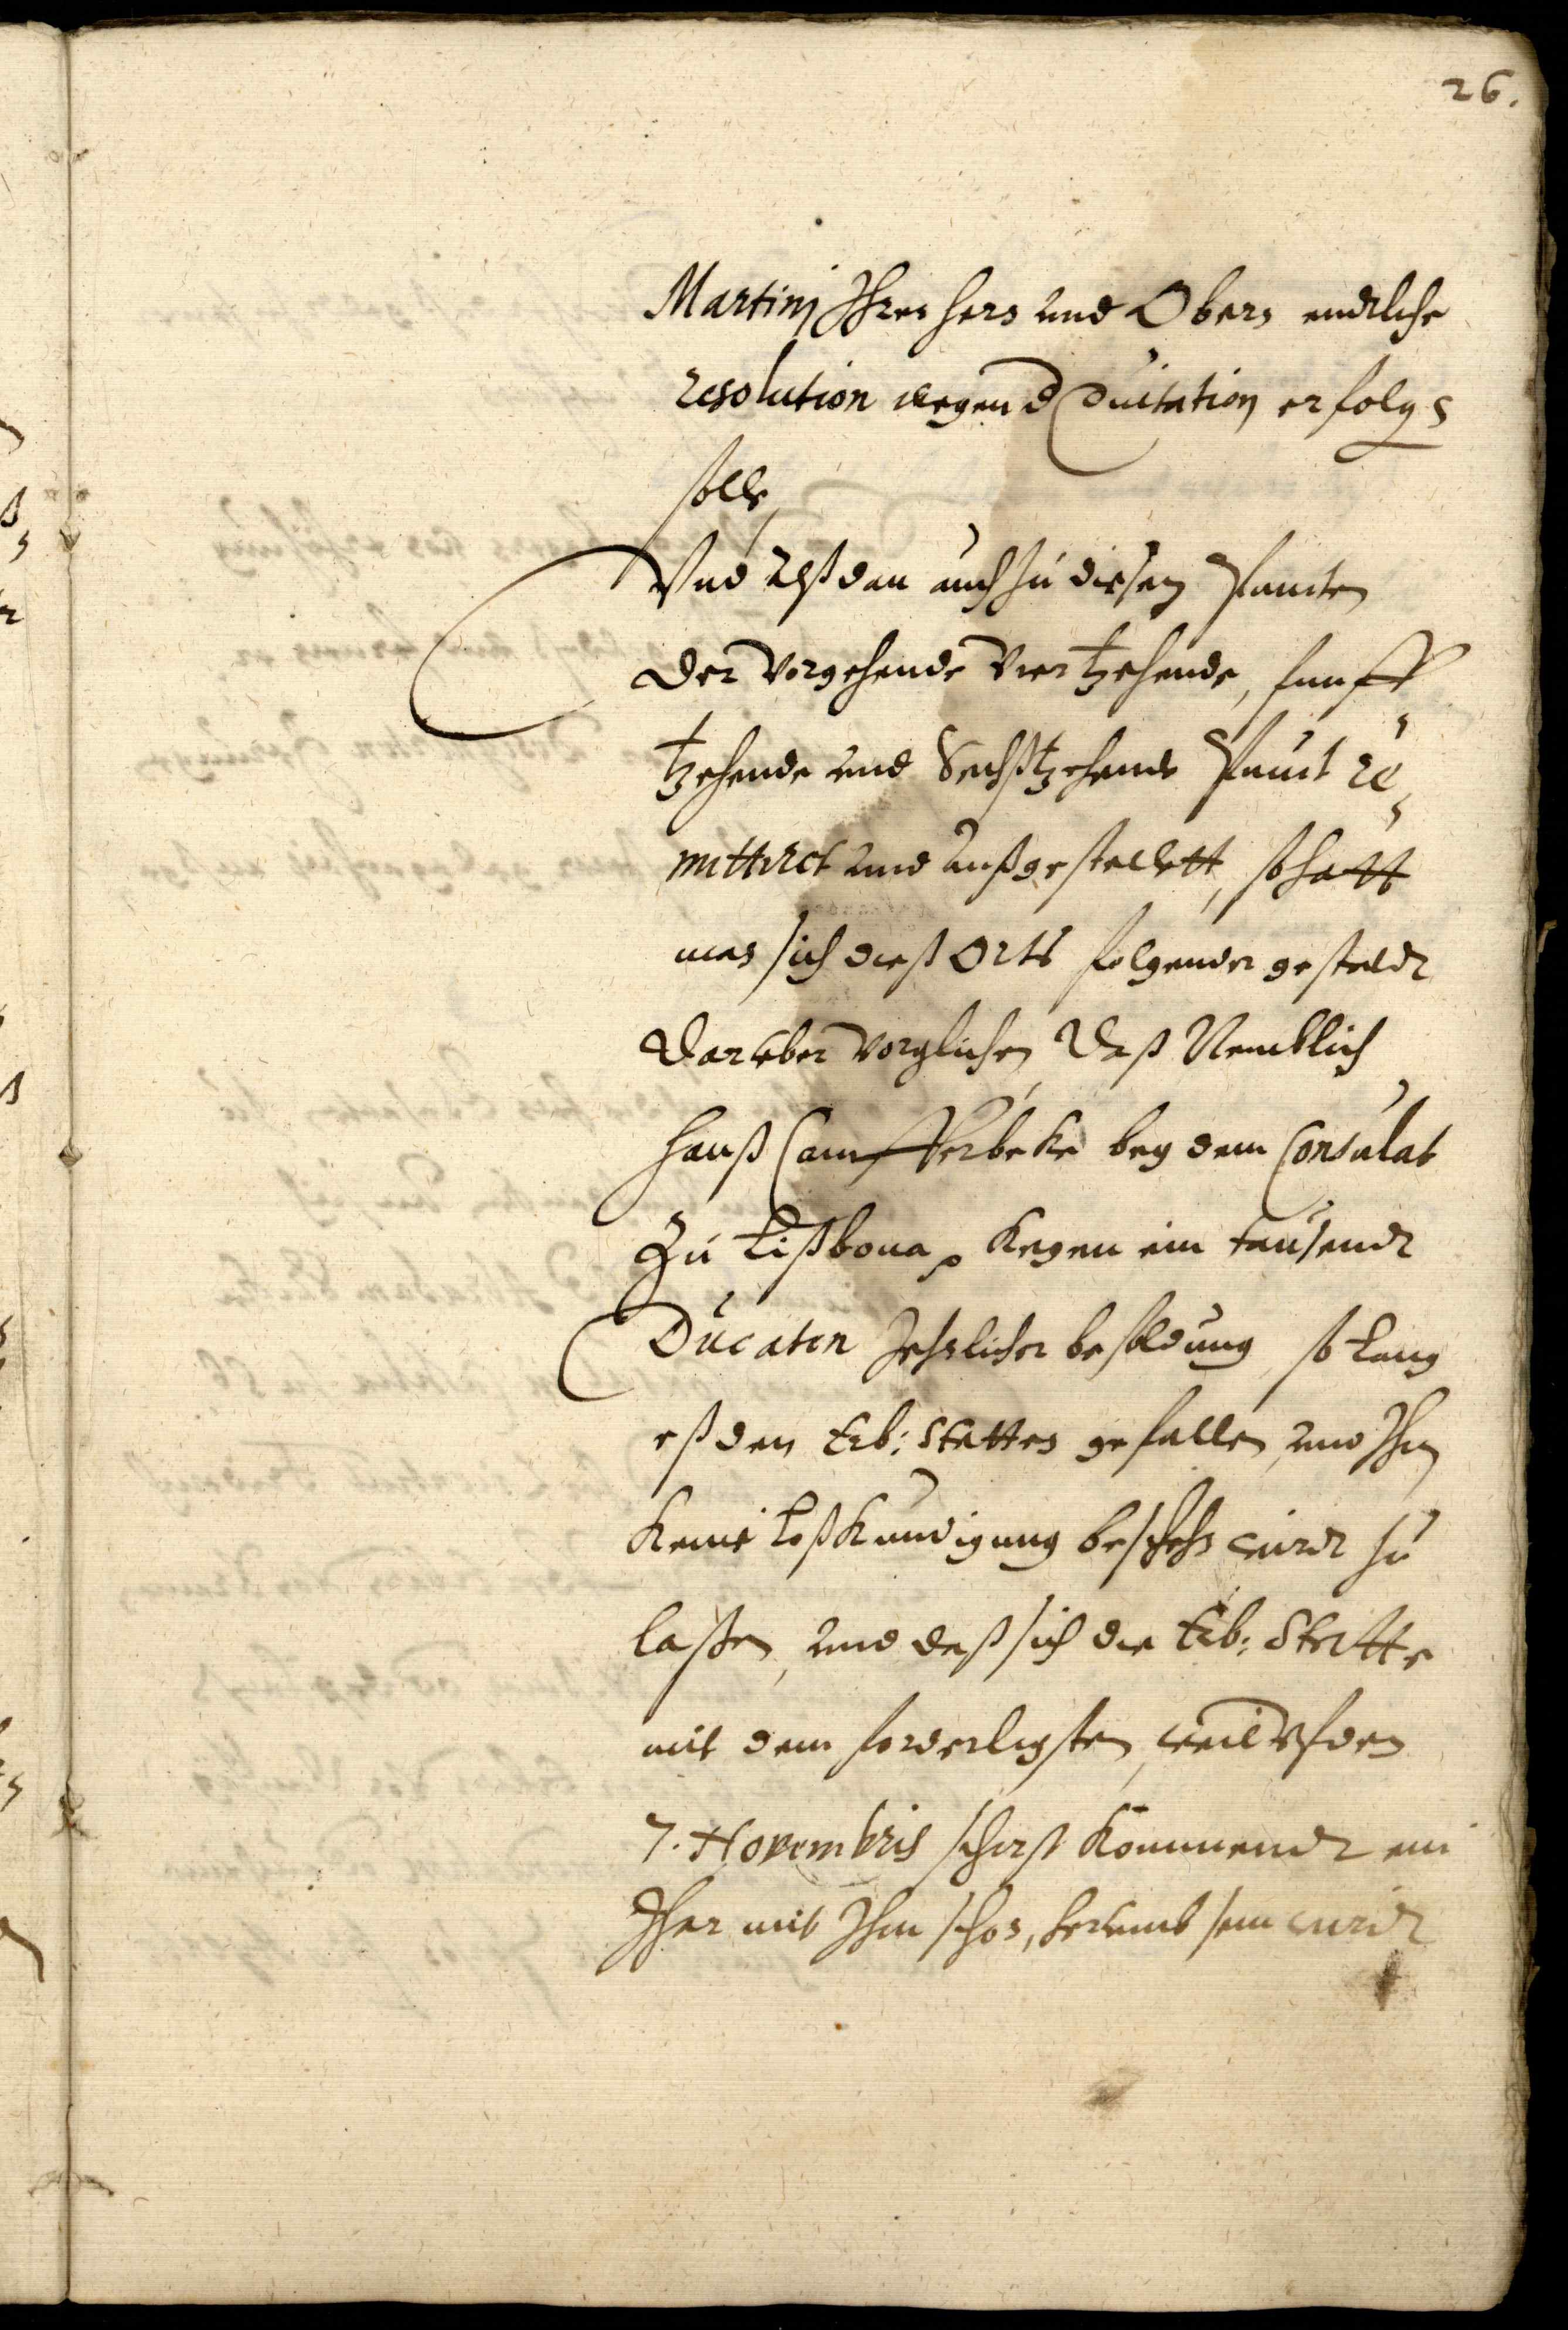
26.
Martini Ihren hern vnd Obern endtliche
resolution ??egender quitation erfolgen ?
solle,
vnd alsdan auch zu diesen Puncten
der vogehende viertzehende, funff¬
tzehende vnd Sechstzehende Punct re¬
mittiret vnd Außgestellet, sohatt
man sich derß Ortt folgender gestaldt
Darvber vorglichen Daß Nemblich
hanß Camfferbeke beij dem Consulat
zu Lisbona p kegen ein tausendt
Ducaten Jehrlicher besoldung so lang
eß den Erb: Stetten gefallen, vnd Ihnen
keine Loßkundigung beschehen wirdt zu
lasten, vnd deß sich der Erb: Stette
mit dem forderligsten ?eil??den
7. Novembris schirst kommendt ein
Ihre mit Ihm schon, hervmb sein wirdt
